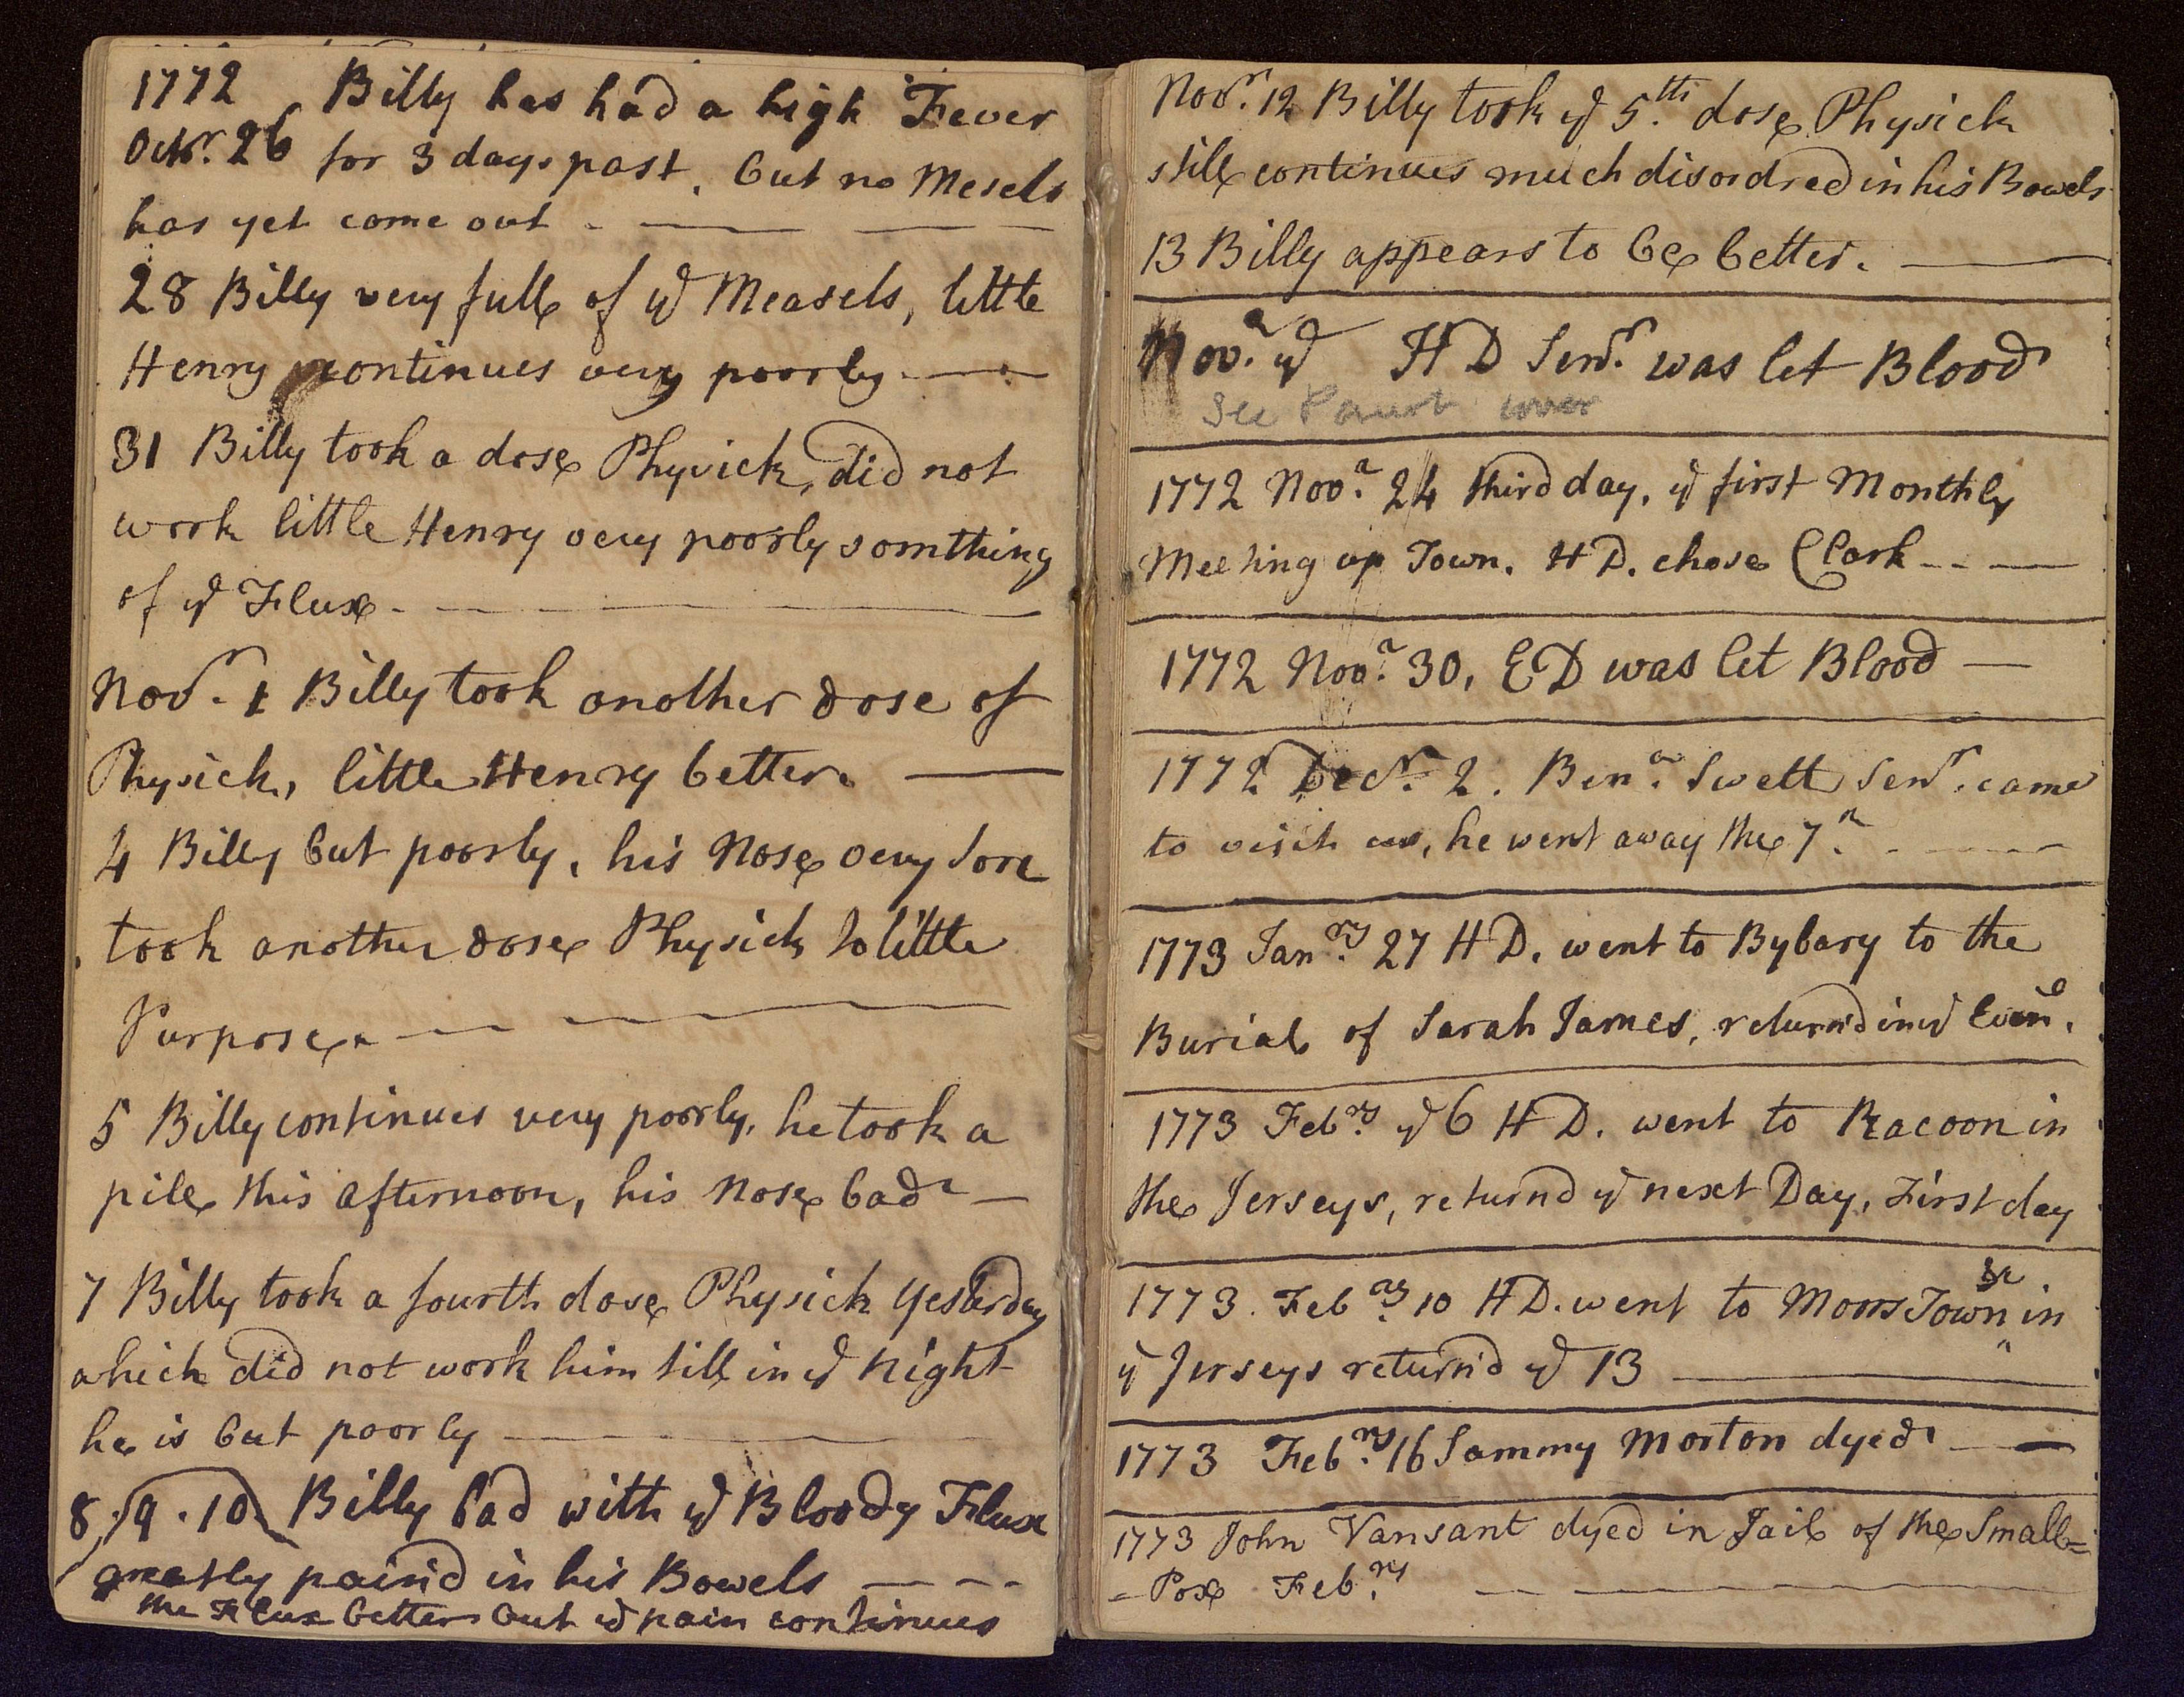1772 Billy has had a high Fever
Octo^r. 26 for 3 days past, but no Mesels
has yet come out-
28 Billy very full of y^e Measels, little
Henry continues very poorly.-
31 Billy took a dose Physick, did not
work little Henry very poorly somthing
of y^e Flux-
Nov^r. 1 Billy took another dose of
Physick, little Henry better.-
4 Billy but poorly, his Nose very Sore
took another dose Physick to little
Purposes-
5 Billy continues very poorly, he took a
pill this afternoon, his Nose bad-
7 Billy took a fourth dose Physick Yesterday
which did not work him till in y^e night
he is but poorly-
8. 9. 10. Billy bad with y^e Bloody Flux
greatly pain'd in his Bowels-
the Flux better but y^e pain continues
Nov^r. 12 Billy took y^e 5^th. dose Physick
still continues much disordred in his Bowels
13 Billy appears to be better.-
Nov^r. y^e HD Sen^r. was let Blood
see Part over
1772 Nov^r. 24 third day, y^e first Monthly
Meeting up Town. HD. chose Clark-
1772 Nov^r. 30, ED was let Blood-
1772 Dec^r. 2. Ben^a. Swett Sen^r. came
to visit us, he went away the 7^th.-
1773 Jan^ry. 27 HD. went to Bybary to the
Burial of Sarah James, return'd in y^e Even^g.
1773 Feb^ry. y^e 6 HD. went to Racoon in
the Jerseys, returnd y^e next Day, First day
&c
1773. Feb^ry. 10 HD. went to Moors Town ^ in
y^e Jerseys return'd y^e 13
1773 Feb^ry. 16 Sammy Morton dyed-
1773 John Vansant dyed in Jail of the Small-
-Pox Feb^ry.